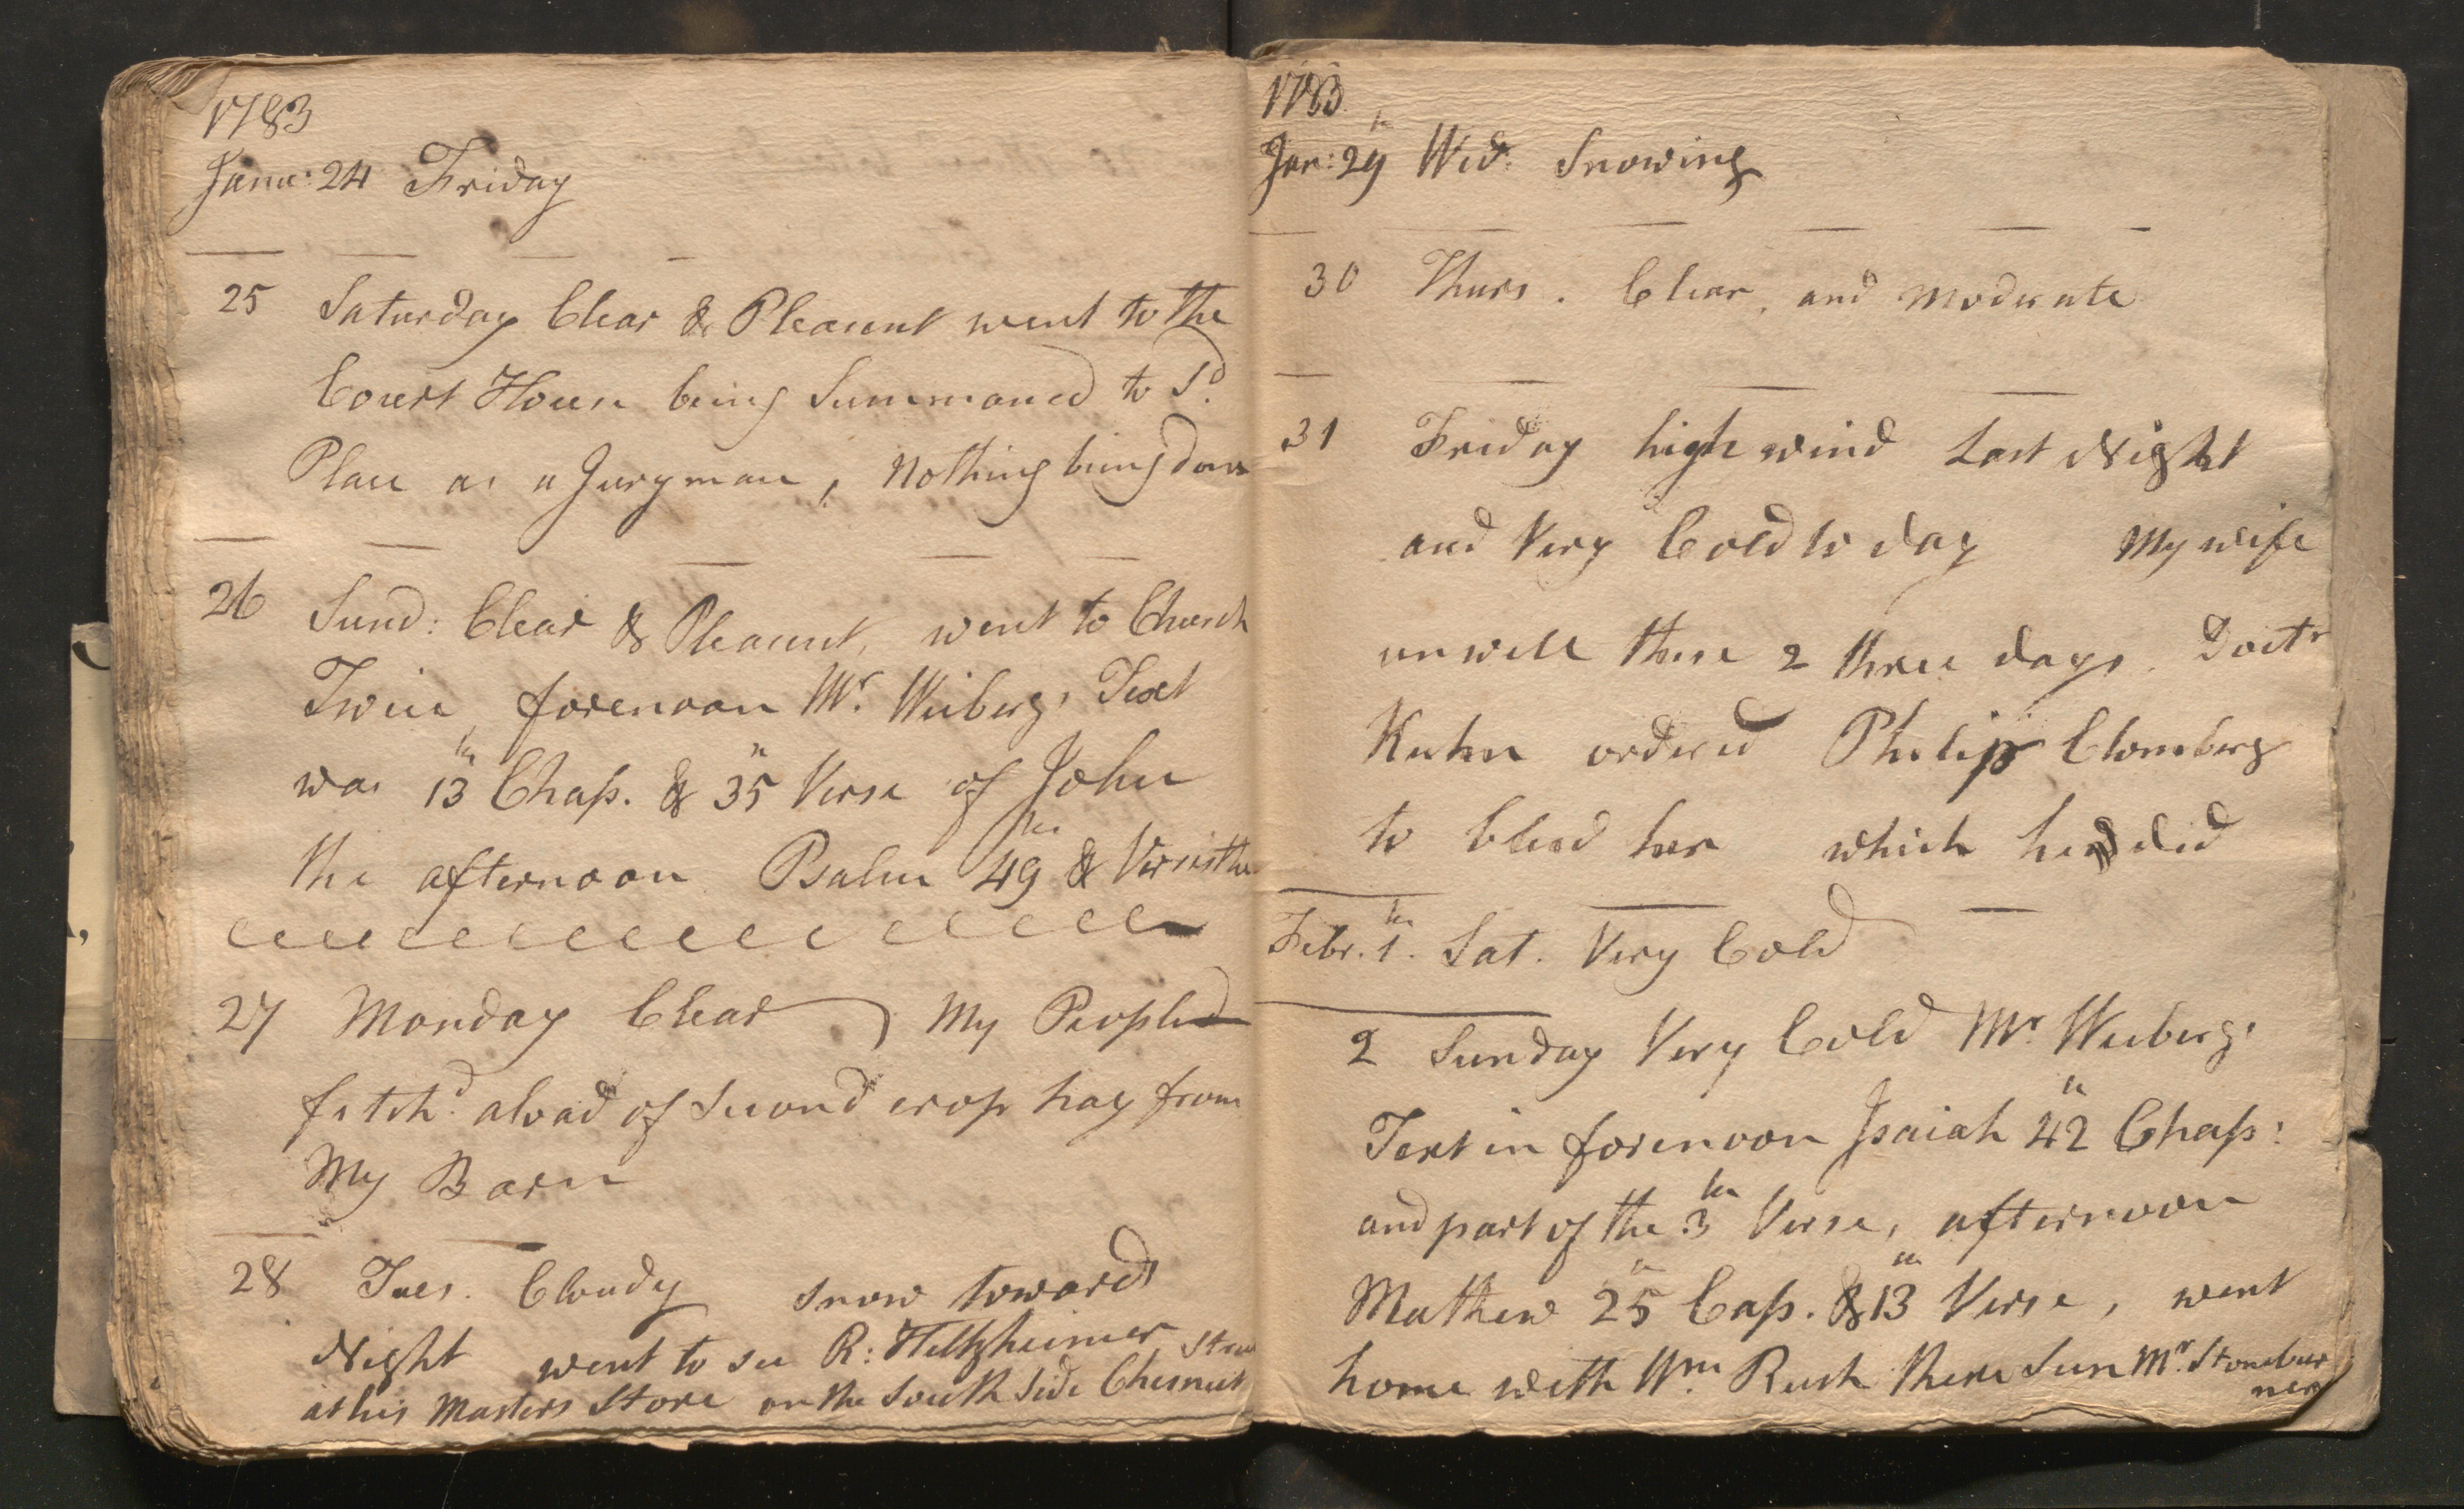1783
Janu. 24 Friday
25 Saturday Clear & Pleasent went to the
Court House being Summaned to s^d.
Place as a Juryman, Nothing being done
26 Sund. Clear & Pleasent went to Church
Twice forenoon M^r. Weibergs Text
was 13 Chap. & 35 Verse of John
the afternoon Psalm 49^th & Veres the
27 Monday Clear My People[d]
fetch^d. a load of second crop hay from
My Barn
28 Tues. Cloudy snow towards
Night went to see R.: Hiltzheimer, Stru
at his Masters Store on the South side Chesnut
1783
Jan: 29^th Wed. Snowing
30 Thurs. Clear, and moderate
31 Friday high wind Last Night
and Very Cold to day My wife
unwell these 2 three days, Doct^r
Kuhn ordered Philip Clomberg
to bleed her which he did
Febr. 1^t. Sat. Very Cold
2 Sunday Very Cold M^r. Weibergs
Text in forenoon Isaiah 42^th Chap:
and part of the 3^th Verse, afternoon
Mathew 25^th Cap. & 13^th Verse, went
home with W^m. Rush there Seen M^r Stonebur
ner